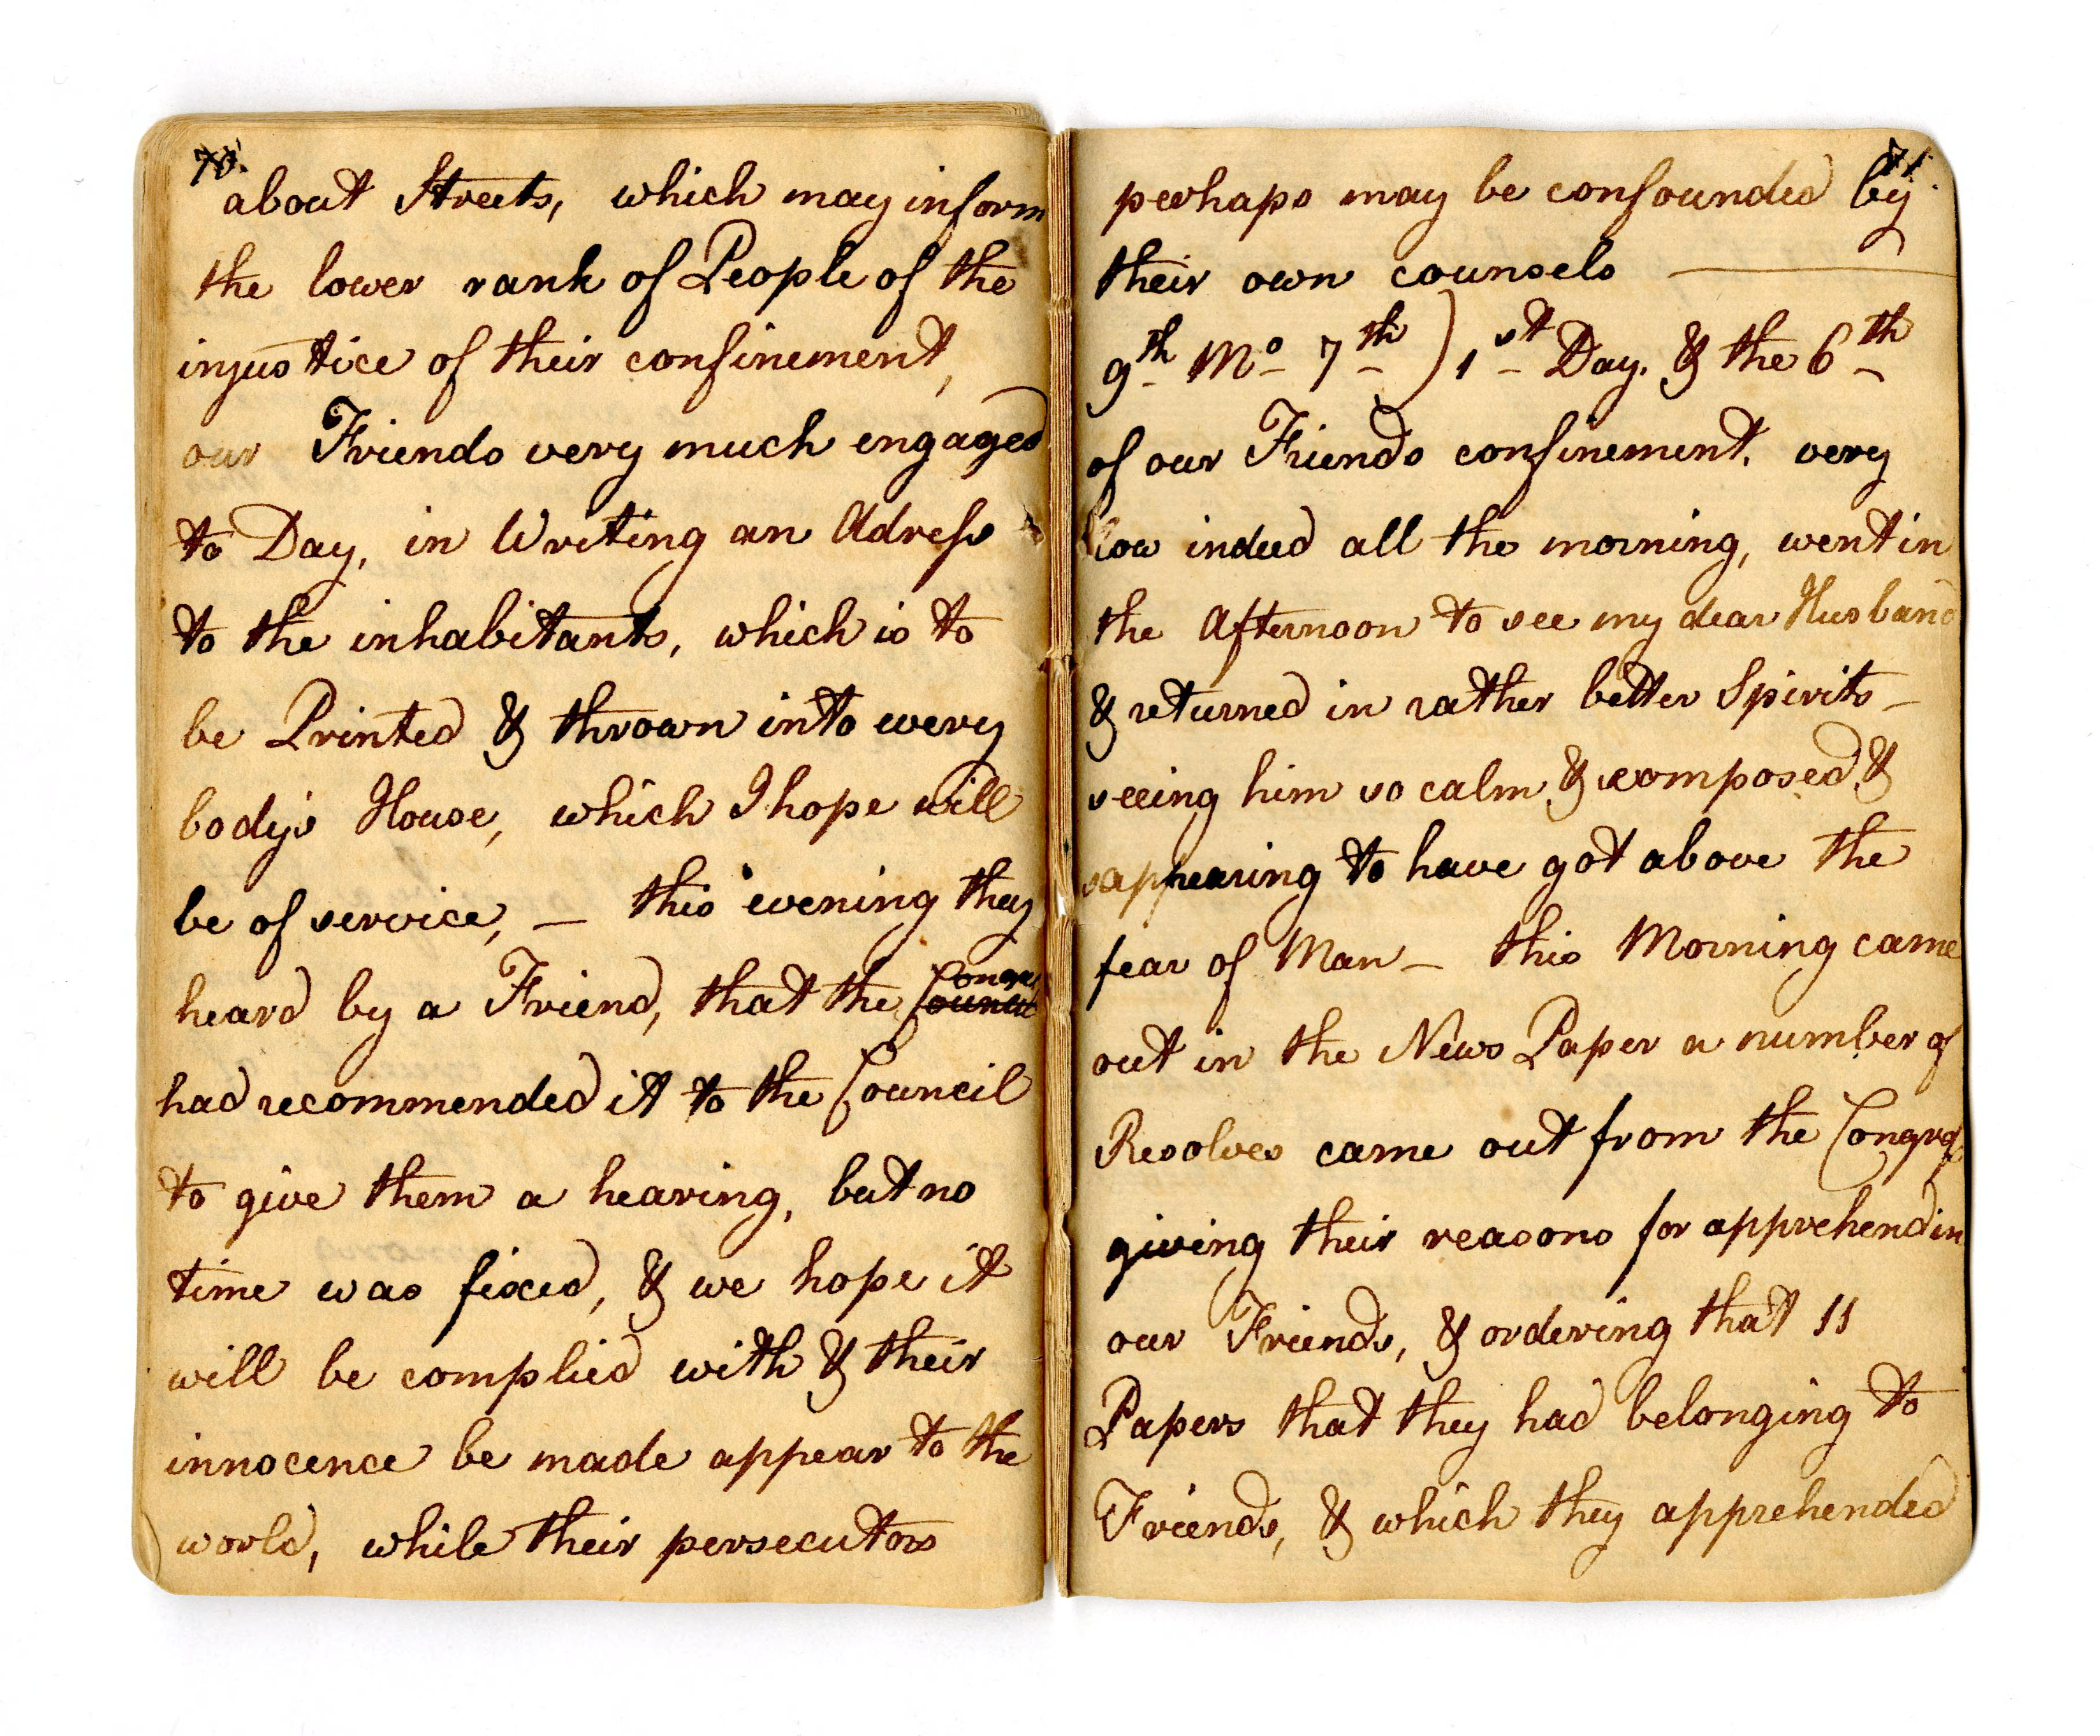about Streets, which may inform
the lower rank of People of the
injustice of their confinement,
our Friends very much engaged
to Day, in Writing an Adress
to the inhabitants, which is to
be Printed & thrown into every
body's House, which I hope will
be of service,- this evening they
ongress
heard by a Friend, that the C[ouncil]
had recommended it to the Council
to give them a hearing, but no
time was fixed, & we hope it
will be complied with & their
innocence be made appear to the
world, while their persecutors
perhaps may be confounded by
their own counsels-
9^th M^o 7^th ) 1^st Day. & the 6^th
of our Friends confinement. very
low indeed all the morning, went in
the Afternoon to see my dear Husband
& returned in rather better Spirits-
seeing him so calm & composed &
appearing to have got above the
fear of Man- this Morning came
out in the News Paper a number of
Resolve came out from the Congress
giving their reasons for apprehendin
our Friends, & ordering that 11
Papers that they had belonging to
Friends, & which they apprehended